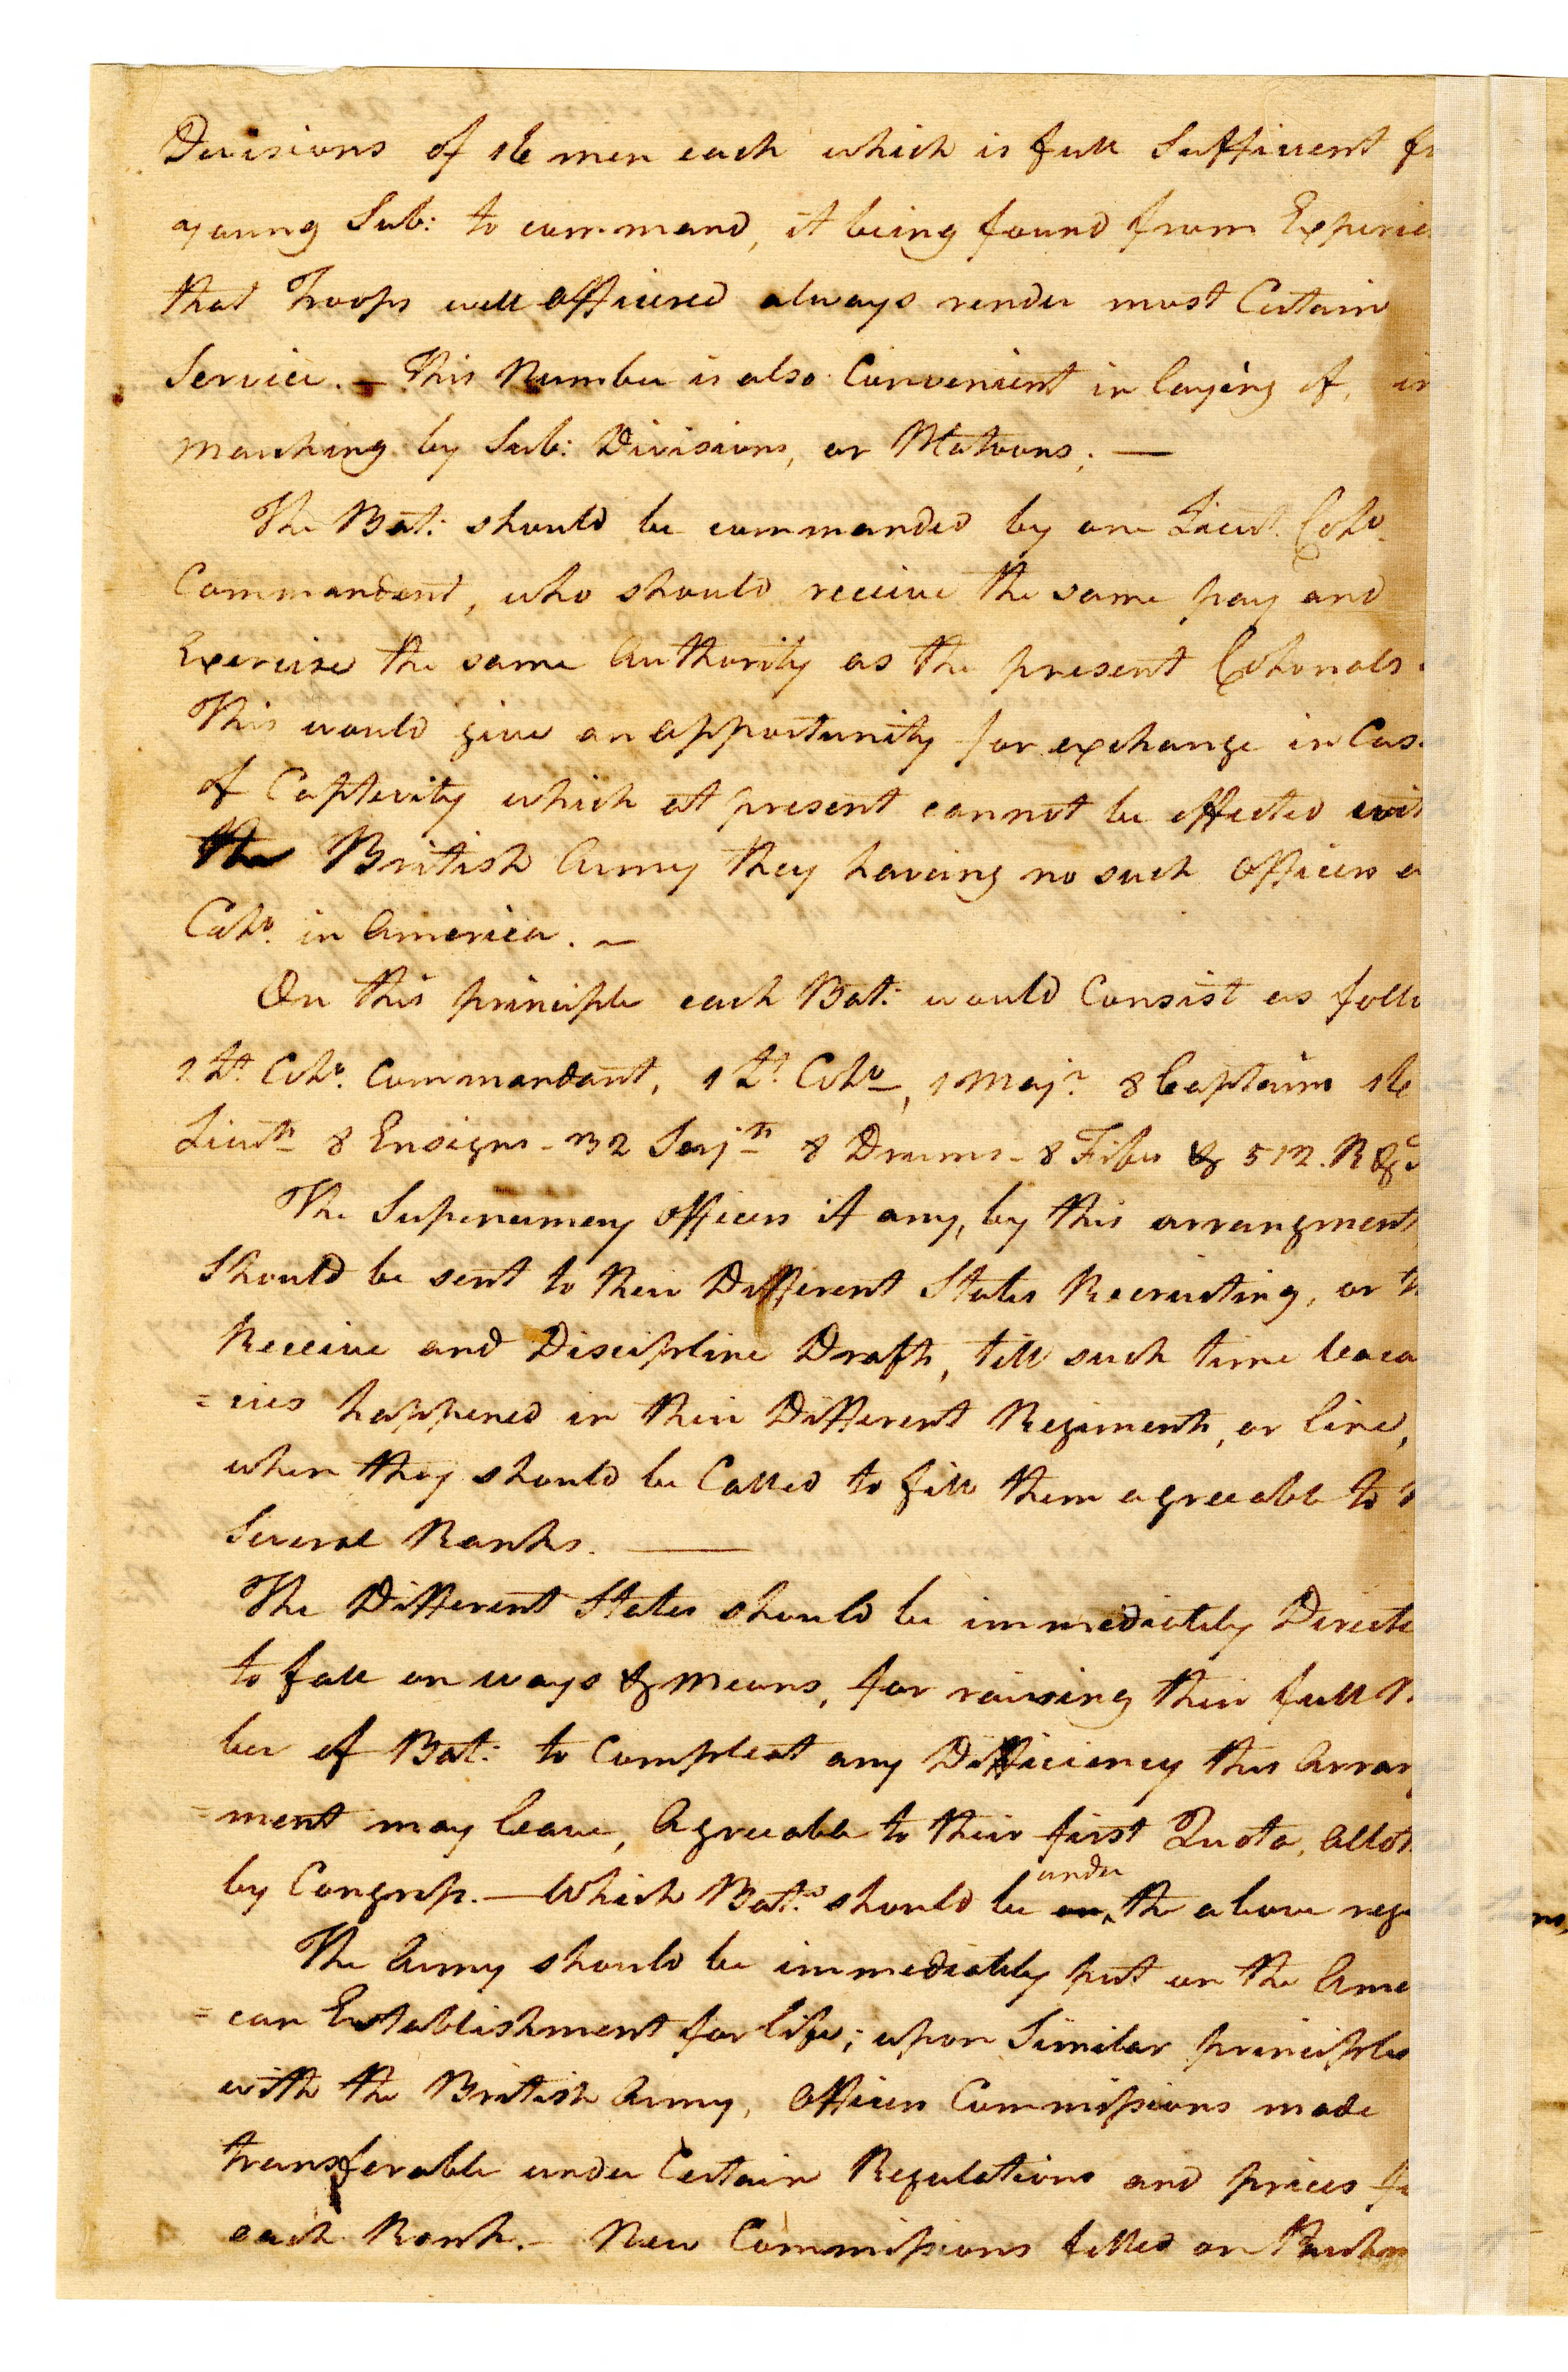Divisions of 16 men each which is full Sufficient for
young Sub: to command, it being found from Experience
that Troops well oficcered always render most Certain
Serivce.- This Number is also Convenient in laying of, in
marching by Sub: Divisions, or Platoons;-
The Bat: should be commanded by one Lieu^t. Col^o.
Commandant, who should receive the same pay and
Exercise the same Authority as the present Colonels do.
This would give an opportunity for exchange in case
of Captivity which at present cannot be effected with
the British Army they having no such Officers as
Col^o. in America.-
On this principle each Bat: would Consist as follows
1 L^t. Col^o. Commandant, 1 L^t. Col^o, 1 maj^r. 8 Captains 16
Lieut^s 8 Ensigns- 32 Serj^ts 8 Drums- 8 Fifes & 512 R & F.
The Supenumery Officers if any, by this arrangment
should be sent to their Different States Recruiting, or to
Receive and Discipline Drafts, till such time vacan
-cies happened in their Different Regiments, or line,
when they should be Called to fill them agreeable to their
several Ranks.-
The Different States should be immediately Directed
to fall on ways & means, for raising their full num
ber of Bat: to Compleat any Defficiency this Arrang-
-ment may leave, Agreeable to their first Quota, allotted
under
by Congress.- Which Bat^ts. should be ^ the above negotiations
The Army should be immediately put on the Ameri
-can Establishment for life; upon Similar principles
with the British Army, Officer Commissions made
transferable under Certain Regulations and prices for
each Rank. New Commissions filled on Parchment